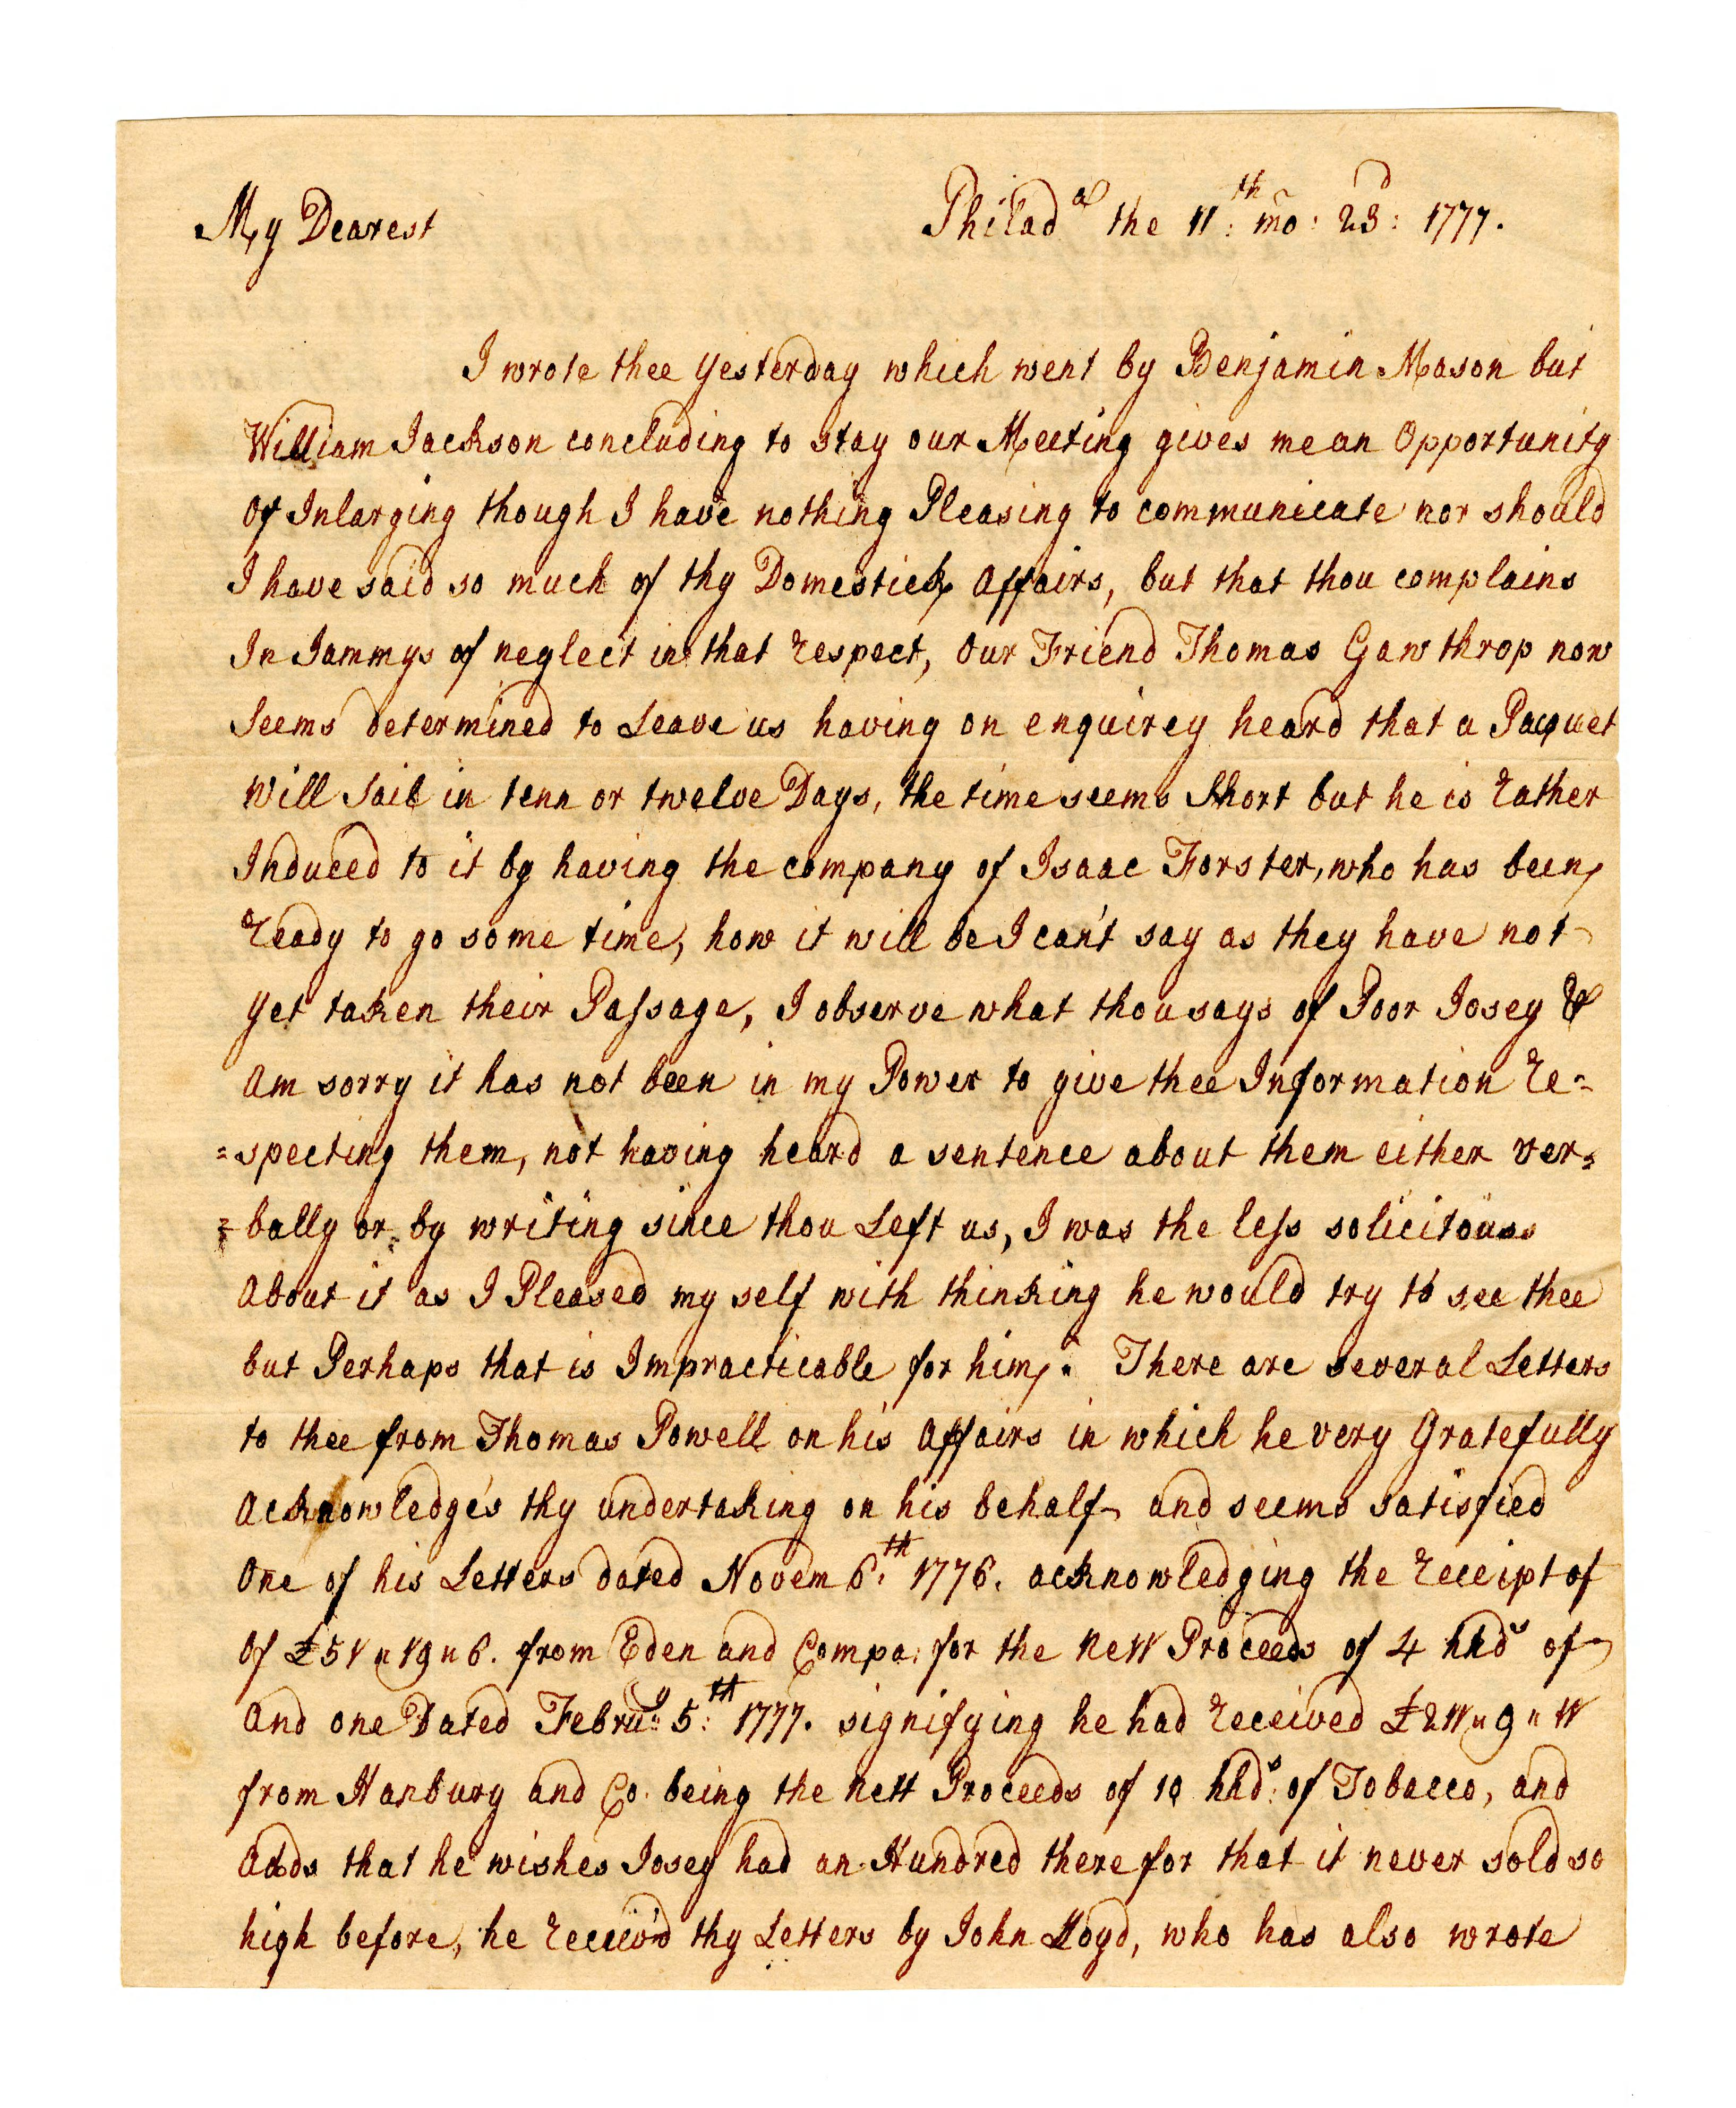Philad^a the 11:^th mo: 23^d: 1777.
My Dearest
I wrote thee yesterday which went by Benjamin Mason but
William Jackson concluding to stay our Meeting gives me an Opportunity
of Inlarging though I have nothing Pleasing to communicate nor should
I have said so much of thy Domestick affairs, but that thou complains
In Jammys of neglect in that respect, our Friend Thomas Gawthrop now
seems determined to Leave us having on enquirey heard that a Pacquet
will sail in tenn or twelve Days, the time seems short but he is rather
Induced to it by having the company of Isaac Forster, who has been
ready to go some time, how it will be I can't say as they have not
yet taken their Passage, I observe what thou says of Poor Josey &
am sorry it has not been in my Power to give thee Information re-
-specting them, not having heard a sentence about them either ver-
-bally or by writing since thou left us, I was the less solicitous
about it as I pleased my self with thinking he would try to see thee
but Perhaps that is Impracticable for him. There are several letters
to thee from Thomas Powell on his affairs in which he very gratefully
acknowledges thy undertaking on his behalf and seems satisfied
one of his Letters dated Novem 6^th. 1776. acknowledging the receipt of
of £51 '' 19 '' 6. from Eden and Compa: for the nett Proceeds of 4 hhd of
and one dated Febru^y: 5^th: 1777. signifying he had received £211 '' 9 '' 11
from Harbury and Co. being the nett Proceeds of 10 hhd^s: of Tobacco, and
adds that he wishes Josey had an Hundred therefor that it never sold so
high before, he receiv'd thy Letters by John LLoyd, who has also wrote